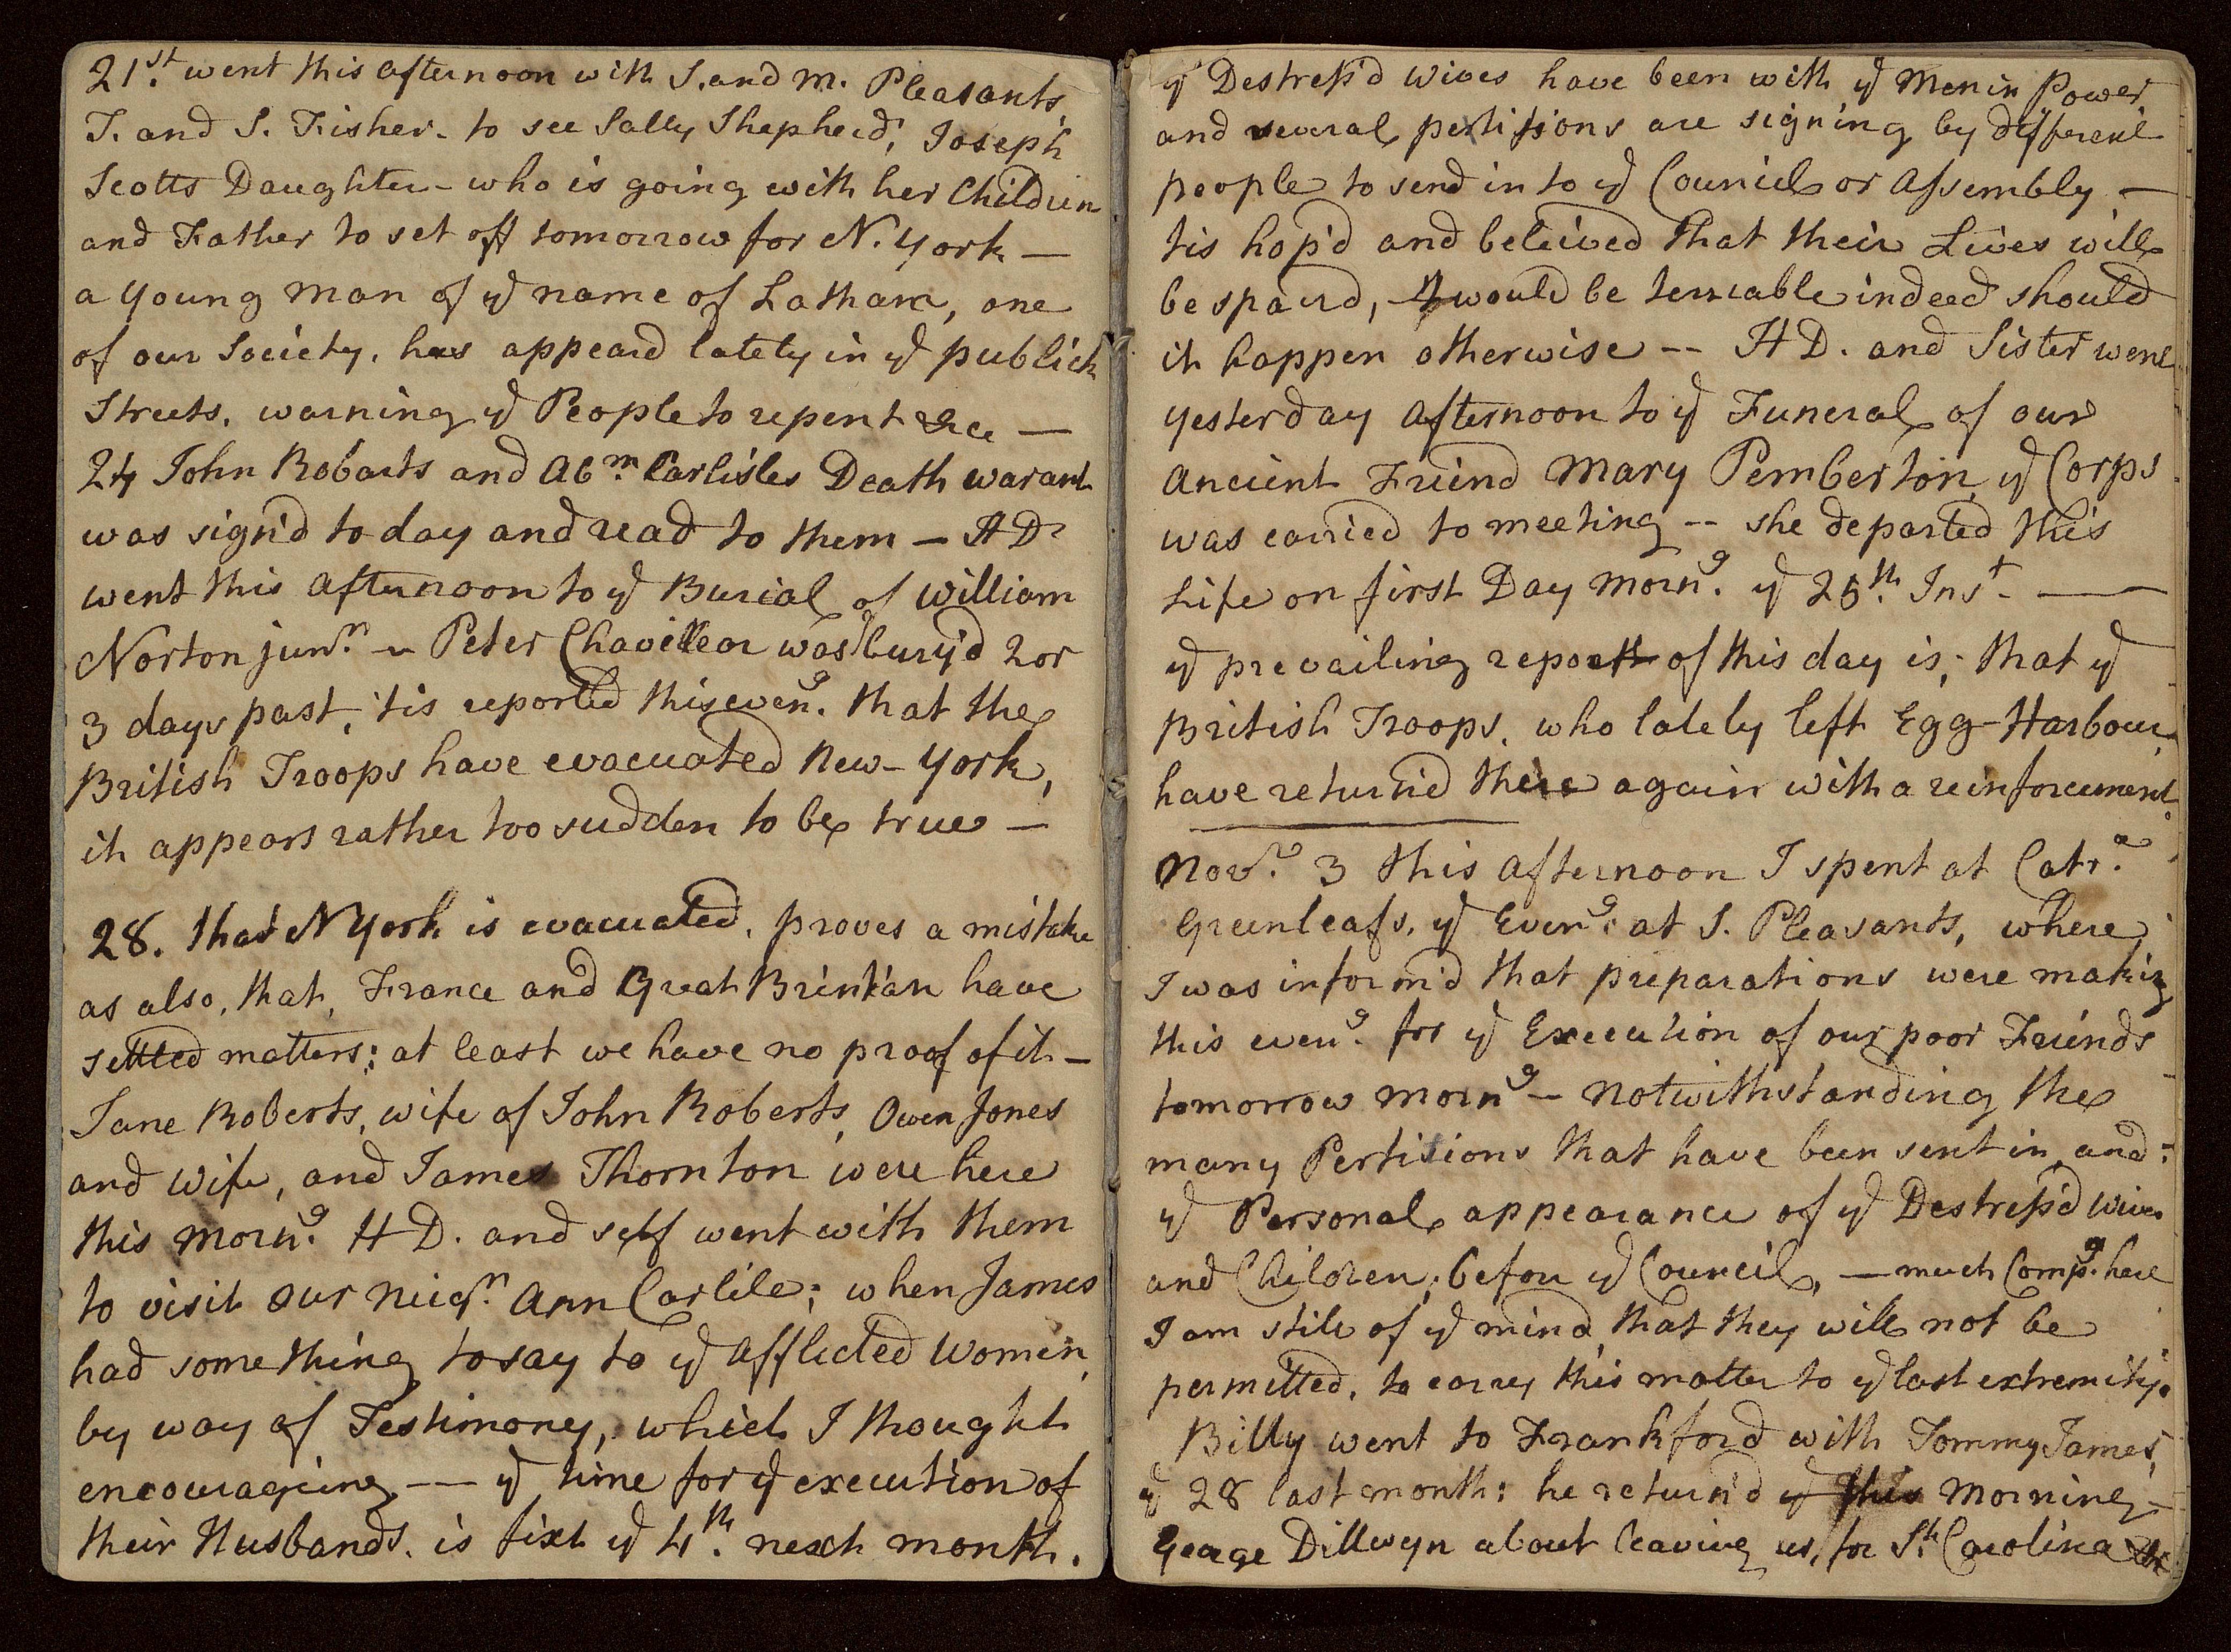21^st. went this afternoon with S, and M. Pleasants,
T. and S. Fisher. to see Sally Shepherd, Joseph
Scotts Daughter- who is going with her Childrin
and Father to set off tomorrow for N. York-
a Young Man of y^e name of Lathan, one
of our Society. has appeard lately in y^e publick
Streets, warning y^e People to repent &c-
24 John Robarts and Ab^m. Carlisles Death warant
was sign'd to day and read to them- H D
went this afternoon to y^e Burial of William
Norton jun^r.- Peter Chavilleor was bury'd 2 or
3 days past, 'tis reported this even^g. that the
British Troops have evacuated New- York,
it appears rather too sudden to be true-
28. that N York is evacuated, proves a mistake
as also, that, France and Great Brintian have
settled matters: at least we have no proof of it-
Jane Roberts, wife of John Roberts, Owen Jones
and wife, and I James Thornton were here
this morn^g. HD. and self went with them
to visit our Neigh^r. Ann Carlile; when James
had some thing to say to y^e afflicted women,
be way of Testimony, which I thought
encouraging-- y^e time for y^e execution of
their Husbands. is fixt y^e 4^th. next month.
y^e Destres'd Wives have been with y^e Men in Power,
and several pertisions are signing by different
people to send in to y^e Council or Assembly-
tis hop'd and beleived that their Lives will
be spard, it would be terriable indeed should
it happen otherwise-- H D. and Sister went
Yesterday Afternoon to y^e Funeral of our
Ancient Friend Mary Pemberton y^e Corps
was carried to meeting- she departed this
Life on first Day morn^g. y^e 25^th. Ins^t.-
y^e prevailing reports of this day is; that y^e
British Troops, who lately left Egg Harbour
have return'd there again with a reinforcement.
Nov^r. 3 this afternoon I spent at Catr^a.
Greenleafs, y^e Even^g. at S. Pleasants, where
I was inform'd that preparations were making
this even^g. for y^e Execution of our poor Friends
tomorrow morn^g- notwithstanding the
many Pertisions that have been sent in, and
y^e Personal appearance of y^e Destress'd wives
and Children, before y^e Council,- much Comp^y. here
I am still of y^e mind, that they will not be
permitted, to carry this matter to y^e last extremity.
Billy went to Frankford with Tommy James,
y^e 28 last month; he return'd y^e this morning-
George Dillwyn about leaving us, for S^h. Carolina